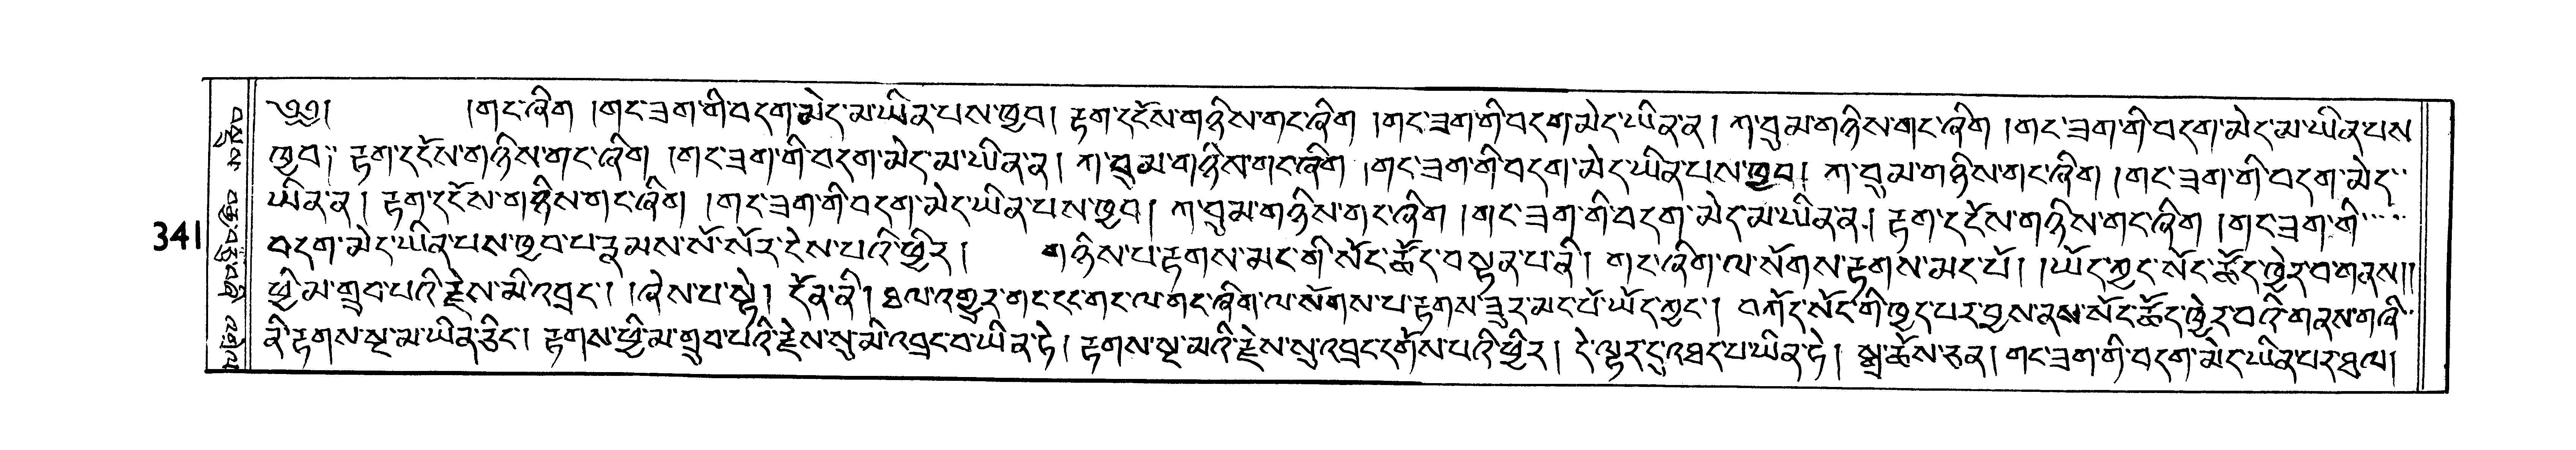༄༅། །གང་ཞིག །གང་ཟག་གི་བདག་མེད་མ་ཡིན་པས་ཁྱབ། རྟག་དངོས་གཉིས་གང་ཞིག །གང་ཟག་གི་བདག་མེད་ཡིན་ན། ཀ་བུམ་གཉིས་གང་ཞིག །གང་ཟག་གི་བདག་མེད་མ་ཡིན་པས་
ཁྱབ༑ རྟག་དངོས་གཉིས་གང་ཞིག །གང་ཟག་གི་བདག་མེད་མ་ཡིན་ན། ཀ་བུམ་གཉིས་གང་ཞིག །གང་ཟག་གི་བདག་མེད་ཡིན་པས་ཁྱབ། ཀ་བུམ་གཉིས་གང་ཞིག །གང་ཟག་གི་བདག་མེད་
ཡིན་ན། རྟག་དངོས་གཉིས་གང་ཞིག །གང་ཟག་གི་བདག་མེད་ཡིན་པས་ཁྱབ། ཀ་བུམ་གཉིས་གང་ཞིག །གང་ཟག་གི་བདག་མེད་མ་ཡིན་ན། རྟག་དངོས་གཉིས་གང་ཞིག །གང་ཟག་གི་
བདག་མེད་ཡིན་པས་ཁྱབ་པ་རྣམས་སོ་སོར་ངེས་པའི་ཕྱིར། གཉིས་པ་རྟགས་མང་གི་སོང་ཚོད་བསྟན་པ་ནི། གང་ཞིག་ལ་སོགས་རྟགས་མང་པོ། །ཡོད་ཀྱང་སོང་ཚོད་ཁྱེར་བ་གནས།།
ཕྱི་མ་གྲུབ་པའི་རྗེས་མི་འབྲང་། །ཞེས་པ་སྟེ། དོན་ནི། ཐལ་འགྱུར་གང་དང་གང་ལ་གང་ཞིག་ལ་སོགས་པ་རྟགས་ཟུར་མང་པོ་ཡོད་ཀྱང་། བཀོད་སོང་གི་ཁྱད་པར་བྱས་ནས་སོང་ཚོད་ཁྱེར་བའི་གནས་གཞི་
ནི་རྟགས་སྔ་མ་ཡིན་ཅིང་། རྟགས་ཕྱི་མ་གྲུབ་པའི་རྗེས་སུ་མི་འབྲང་བ་ཡིན་ཏེ། རྟགས་སྔ་མའི་རྗེས་སུ་འབྲང་དགོས་པའི་ཕྱིར། དེ་ལྟར་དུ་འཐད་པ་ཡིན་ཏེ། སྒྲ་ཆོས་ཅན། གང་ཟག་གི་བདག་མེད་ཡིན་པར་ཐལ།